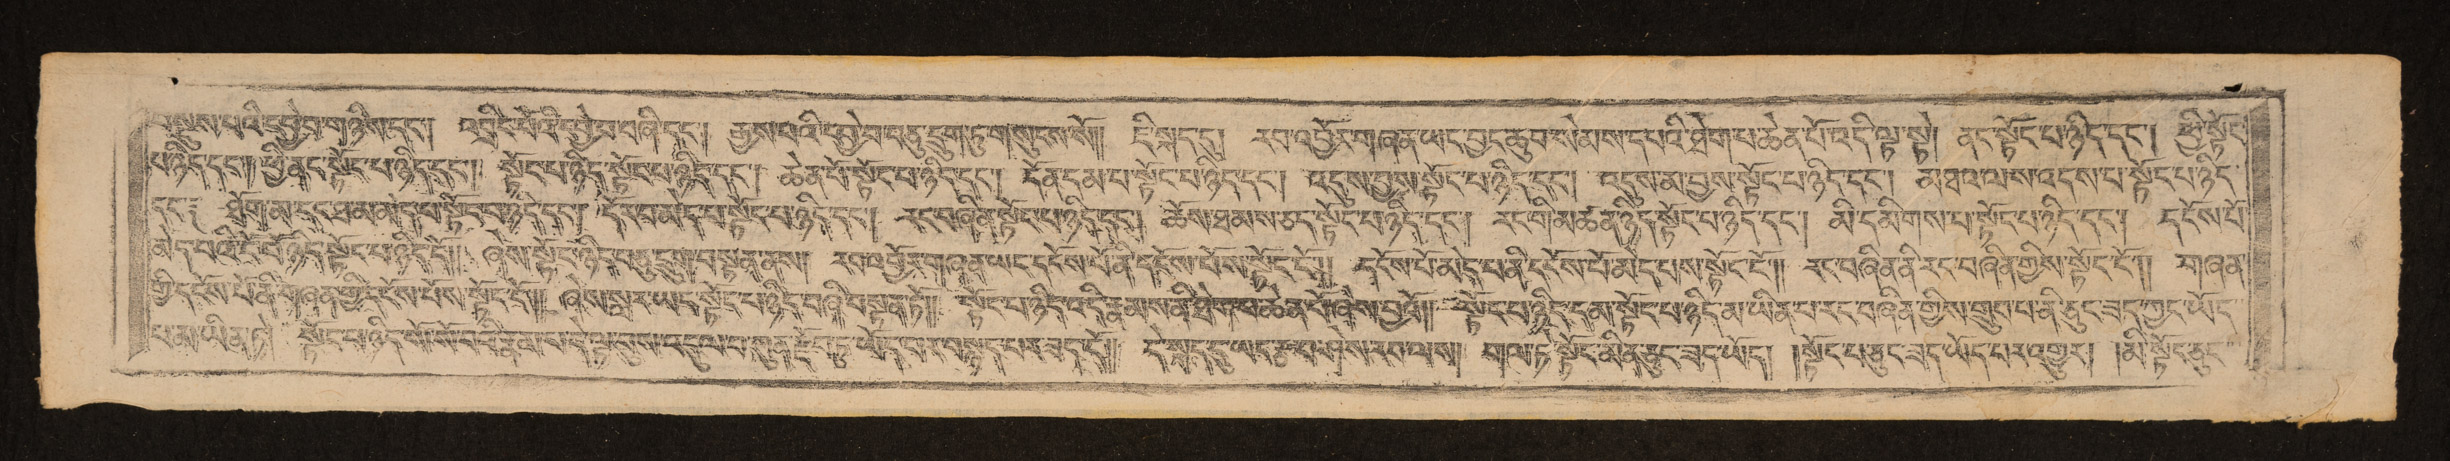བསྡུས་པའི་དབྱེ་བ་གཉིས་དང་། འབྲིང་པོའི་དབྱེ་བ་བཞི་དང་། རྒྱས་པའི་དབྱེ་བ་བཅུ་དྲུག་ཏུ་གསུངས་སོ།། ཇི་སྐད་དུ། རབ་འབྱོར་གཞན་ཡང་བྱང་ཆུབ་སེམས་དཔའི་ཐེག་པ་ཆེན་པོ་འདི་ལྟ་སྟེ། ནང་སྟོང་པ་ཉིད་དང་། ཕྱི་སྟོང་
པ་ཉིད་དང་། ཕྱི་ནང་སྟོང་པ་ཉིད་དང་། སྟོང་པ་ཉིད་སྟོང་པ་ཉིད་དང་། ཆེན་པོ་སྟོང་པ་ཉིད་དང་། དོན་དམ་པ་སྟོང་པ་ཉིད་དང་། འདུས་བྱས་སྟོང་པ་ཉིད་དང་། འདུས་མ་བྱས་སྟོང་པ་ཉིད་དང་། མཐའ་ལས་འདས་པ་སྟོང་པ་ཉིད་
དང༑ ཐོག་མ་དང་ཐ་མ་མེད་པ་སྟོང་པ་ཉིད་དང་། དོར་བ་མེད་པ་སྟོང་པ་ཉིད་དང་། རང་བཞིན་སྟོང་པ་ཉིད་དང་། ཆོས་ཐམས་ཅད་སྟོང་པ་ཉིད་དང་། རང་གི་མཚན་ཉིད་སྟོང་པ་ཉིད་དང་། མི་དམིགས་པ་སྟོང་པ་ཉིད་དང་། དངོས་པོ་
མེད་པའི་ངོ་བོ་ཉིད་སྟོང་པ་ཉིད་དོ།། ཞེས་སྟོང་ཉིད་བཅུ་དྲུག་བསྟན་ནས། རབ་འབྱོར་གཞན་ཡང་དངོས་པོ་ནི་དངོས་པོས་སྟོང་ངོ།། དངོས་པོ་མེད་པ་ནི་དངོས་པོ་མེད་པས་སྟོང་ངོ།། རང་བཞིན་ནི་རང་བཞིན་གྱིས་སྟོང་ངོ།། གཞན་
གྱི་དངོས་པོ་ནི་གཞན་གྱི་དངོས་པོས་སྟོང་ངོ།། ཞེས་སླར་ཡང་སྟོང་པ་ཉིད་བཞི་བསྟན་ཏོ།། སྟོང་པ་ཉིད་འདི་རྣམས་ནི་ཐེག་པ་ཆེན་པོ་ཞེས་བྱའོ།། སྟོང་པ་ཉིད་དམ་སྟོང་པ་ཉིད་མ་ཡིན་པ་རང་བཞིན་གྱིས་གྲུབ་པ་ནི་ཅུང་ཟད་ཀྱང་ཡོད་
པ་མ་ཡིན་ཏེ། སྟོང་པ་ཉིད་སོ་སོ་བའི་རྣམ་པ་དེ་ལྟ་བུས་འདུལ་བ་ཀུན་རྫོབ་ཏུ་ཡོད་པར་བསྙད་པར་ཟད་དོ།། དེ་སྐད་དུ་ཡང་རྩ་བ་ཤེས་རབ་ལས། གལ་ཏེ་སྟོང་མིན་ཅུང་ཟད་ཡོད། །སྟོང་པ་ཅུང་ཟད་ཡོད་པར་འགྱུར། །མི་སྟོང་ཅུང་